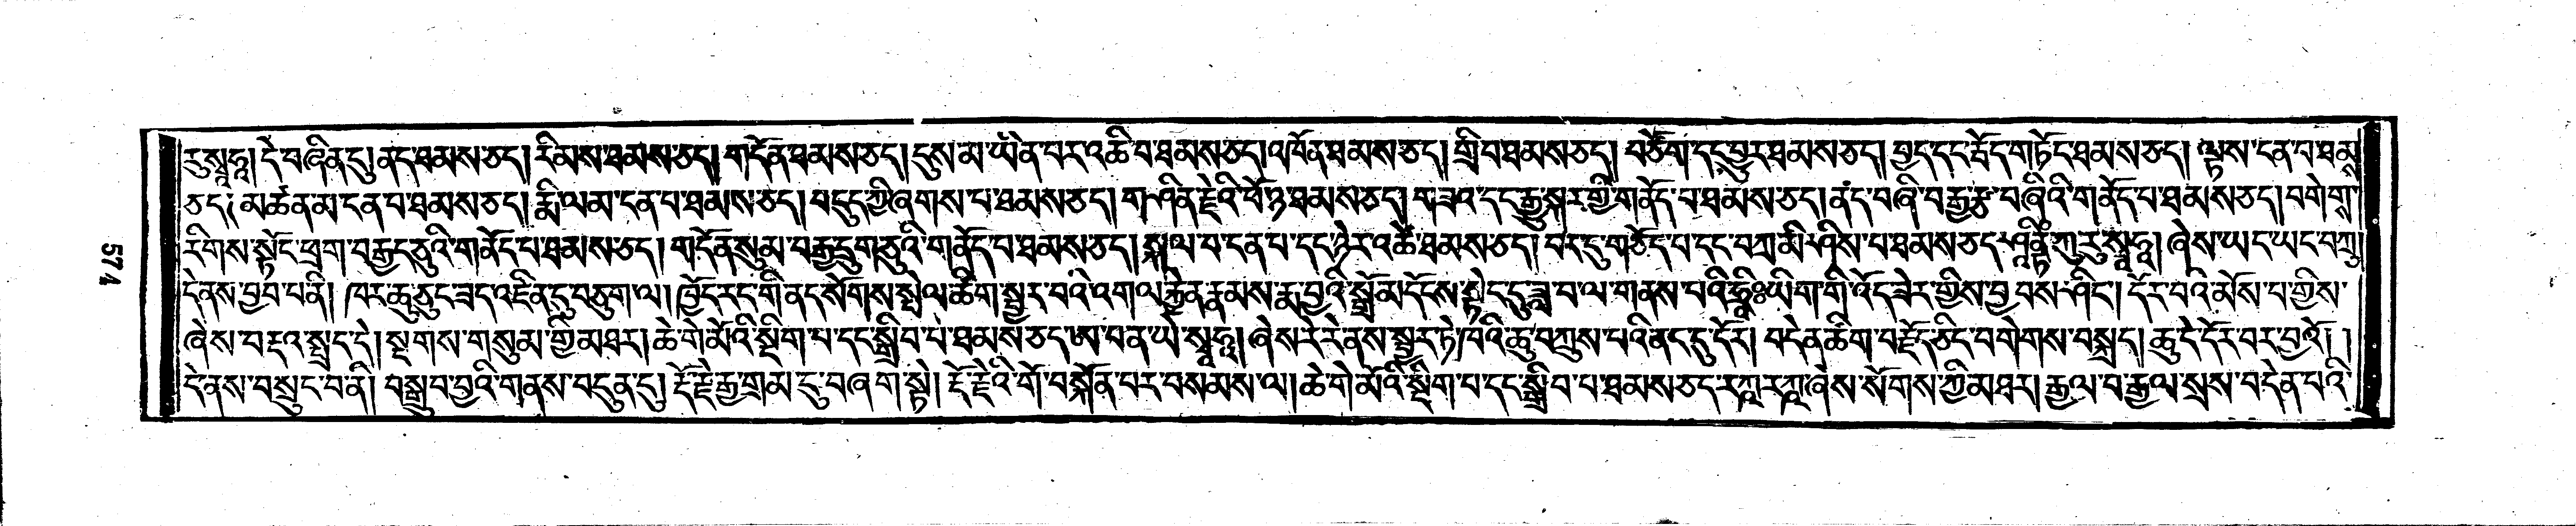རུ་སྭཱཧཱ། དེ་བཞིན་དུ་ནད་ཐམས་ཅད། རིམས་ཐམས་ཅད། གདོན་ཐམས་ཅད། དུས་མ་ཡིན་པར་འཆི་བ་ཐམས་ཅད། འཁོན་ཐམས་ཅད། གྲིབ་ཐམས་ཅད། བཙོག་དང་བྱུར་ཐམས་ཅད། བྱད་དང་རྦོད་གཏོང་ཐམས་ཅད། ལྟས་ངན་པ་ཐམས་
ཅད། མཚན་མ་ངན་པ་ཐམས་ཅད། རྨི་ལམ་ངན་པ་ཐམས་ཅད། བདུད་ཀྱི་ཞགས་པ་ཐམས་ཅད། གཤིན་རྗེའི་ཕོ་ཉ་ཐམས་ཅད། གཟའ་དང་རྒྱུ་སྐར་གྱི་གནོད་པ་ཐམས་ཅད། ནད་བཞི་བརྒྱ་རྩ་བཞིའི་གནོད་པ་ཐམས་ཅད། བགེགས་
རིགས་སྟོང་ཕྲག་བརྒྱད་ཅུའི་གནོད་པ་ཐམས་ཅད། གདོན་སུམ་བརྒྱ་དྲུག་ཅུའི་གནོད་པ་ཐམས་ཅད། སྐལ་བ་ངན་པ་དང་ཉེར་འཚེ་ཐམས་ཅད། བར་དུ་གཅོད་པ་དང་བཀྲ་མི་ཤིས་པ་ཐམས་ཅད་ཤཱནྟིཾ་ཀུ་རུ་སྭཱཧཱ། ཞེས་ཡང་ཡང་བཀྲུ།
དེ་ནས་བྱབ་པ་ནི། ཁར་ཆུ་ཅུང་ཟད་འཛིན་དུ་བཅུག་ལ། ཁྱོད་རང་གི་ནད་སོགས་སྤེལ་ཚིག་སྦྱར་བའི་འགལ་རྐྱེན་རྣམས་རྨ་བྱའི་སྒྲོ་མདོངས་སྟེང་དུ་ཟླ་བ་ལ་གནས་པའི་ཧྲཱིཿ ཡིག་གི་འོད་ཟེར་གྱིས་བྱབས་ཤིང་། དོར་བའི་མོས་པ་གྱིས་
ཞེས་བརྡའ་སྤྲད་དེ། སྔགས་གསུམ་གྱི་མཐར། ཆེ་གེ་མོའི་སྡིག་པ་དང་སྒྲིབ་པ་ཐམས་ཅད་ཨ་པ་ན་ཡེ་སྭཱཧཱ། ཞེས་རེ་རེ་ནས་སྦྱར་ཏེ་ཁའི་ཆུ་བཀྲུས་པའི་ནང་དུ་དོར། བདེན་ཚིག་བརྗོད་ཅིང་བགེགས་བསྐྲད། ཆུ་དེ་དོར་བར་བྱའོ། །
དེ་ནས་བསྲུང་བ་ནི། བསྒྲུབ་བྱའི་གནས་བདུན་དུ། རྡོ་རྗེ་རྒྱ་གྲམ་དུ་བཞག་སྟེ། རྡོ་རྗེའི་གོ་བསྐོན་པར་བསམས་ལ། ཆེ་གེ་མོའི་སྡིག་པ་དང་སྒྲིབ་པ་ཐམས་ཅད་རཀྵ་རཀྵ་ཞེས་སོགས་ཀྱི་མཐར། རྒྱལ་བ་རྒྱལ་སྲས་བདེན་པའི་